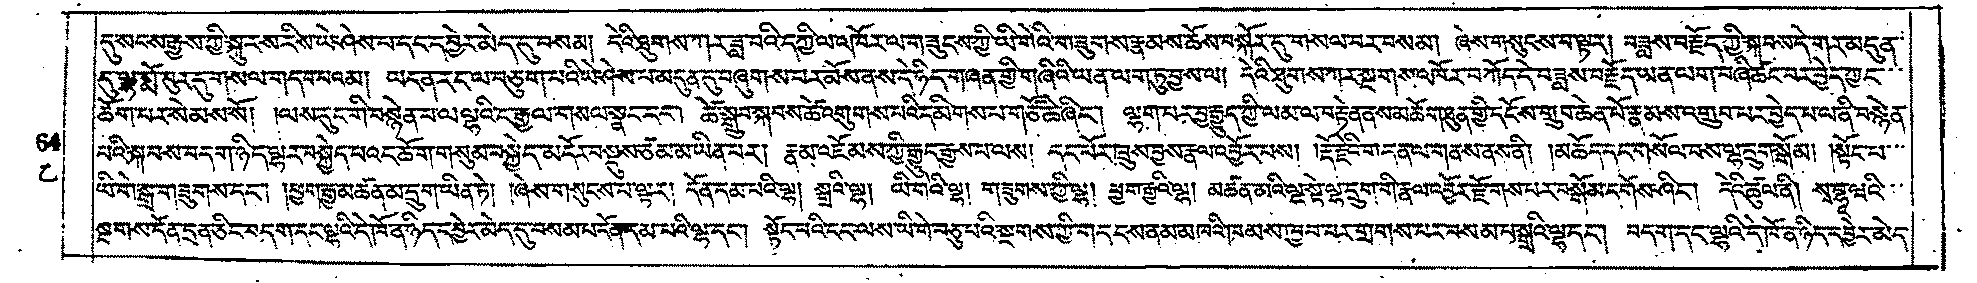དུ་སངས་རྒྱས་ཀྱི་སྐུ་རས་རིས་ཡེ་ཤེས་པ་དང་དབྱེར་མེད་དུ་བསམ། དེའི་ཐུགས་ཀར་ཟླ་བའི་དཀྱིལ་འཁོར་ལ་གཟུངས་ཀྱི་ཡི་གེའི་གཟུགས་རྣམས་ཆོས་བསྐོར་དུ་གསལ་བར་བསམ། ཞེས་གསུངས་པ་ལྟར། བཟླས་བརྗོད་ཀྱི་སྐབས་དེ་གར་མདུན་་་
དུ་ལྷ་གློ་བུར་དུ་གསལ་གདབ་པའམ། ཡང་ན་རང་ལ་བཅུག་པའི་ཡེ་ཤེས་པ་མདུན་དུ་བཞུགས་པར་མོས་ནས་དེ་ཉིད་གཞན་གྱི་གཞིའི་ཡན་ལག་ཏུ་བྱས་ལ། དེའི་ཐུགས་ཀར་སྔགས་འཁོར་བཀོད་དེ་བཟླས་བརྗོད་ཡན་ལག་བཞི་ཚང་བར་བྱེད་ཀྱང་་་
ཆོག་པར་སེམས་སོ། །ལས་རུང་གི་བསྙེན་པ་ལ་ལྷའི་ང་རྒྱལ་གསལ་སྣང་དང་། ཚེ་སྒྲུབ་སྐབས་ཚེ་འགུགས་པའི་དམིགས་པ་གཙོ་ཆེ་ཞིང་། ལྷག་པར་བྱ་རྒྱུད་ཀྱི་ལམ་ལ་བརྟེན་ནས་མཆོག་ཐུན་གྱི་དངོས་གྲུབ་ཆེན་པོ་རྣམས་འགྲུབ་པར་བྱེད་པ་ལ་ནི་བསྙེན་
པའི་སྐབས་བདག་ཉིད་ལྷར་བསྐྱེད་པའང་ཆོ་ག་གསུམ་བསྐྱེད་མདོར་བསྡུས་ཙམ་མ་ཡིན་པར། རྣམ་འཇོམས་ཀྱི་རྒྱུད་རྒྱས་པ་ལས། དང་པོར་ཁྲུས་བྱས་རྣལ་འབྱོར་པས། །རྡོ་རྗེའི་གདན་ལ་གནས་ནས་ནི། །མཆོད་དང་གསོལ་བས་ལྷ་དྲུག་སྒོམ། །སྟོང་པ་་་
ཡི་གེ་སྒྲ་གཟུགས་དང་། །ཕྱག་རྒྱ་མཚན་མ་དྲུག་ཡིན་ཏེ། །ཞེས་གསུངས་པ་ལྟར། དོན་དམ་པའི་ལྷ། སྒྲའི་ལྷ། ཡི་གེའི་ལྷ། གཟུགས་ཀྱི་ལྷ། ཕྱག་རྒྱའི་ལྷ། མཚན་མའི་ལྷ་སྟེ་ལྷ་དྲུག་གི་རྣལ་འབྱོར་རྫོགས་པར་བསྒོམ་དགོས་ཤིང་། དེའི་ཚུལ་ནི། སྭ་བྷཱ་ཝའི་་་
སྔགས་དོན་དྲན་ཅིང་བདག་དང་ལྷའི་དེ་ཁོ་ན་ཉིད་དབྱེར་མེད་དུ་བསམ་པ་དོན་དམ་པའི་ལྷ་དང་། སྟོང་པའི་ངང་ལས་ཡི་གེ་བཅུ་པའི་སྔགས་ཀྱི་གདངས་ནམ་མཁའི་ཁམས་ཁྱབ་པར་གྲགས་པར་བསམ་༈པ་སྒྲའི་ལྷ་དང་། བདག་དང་ལྷའི་དེ་ཁོ་ན་ཉིད་དབྱེར་མེད་